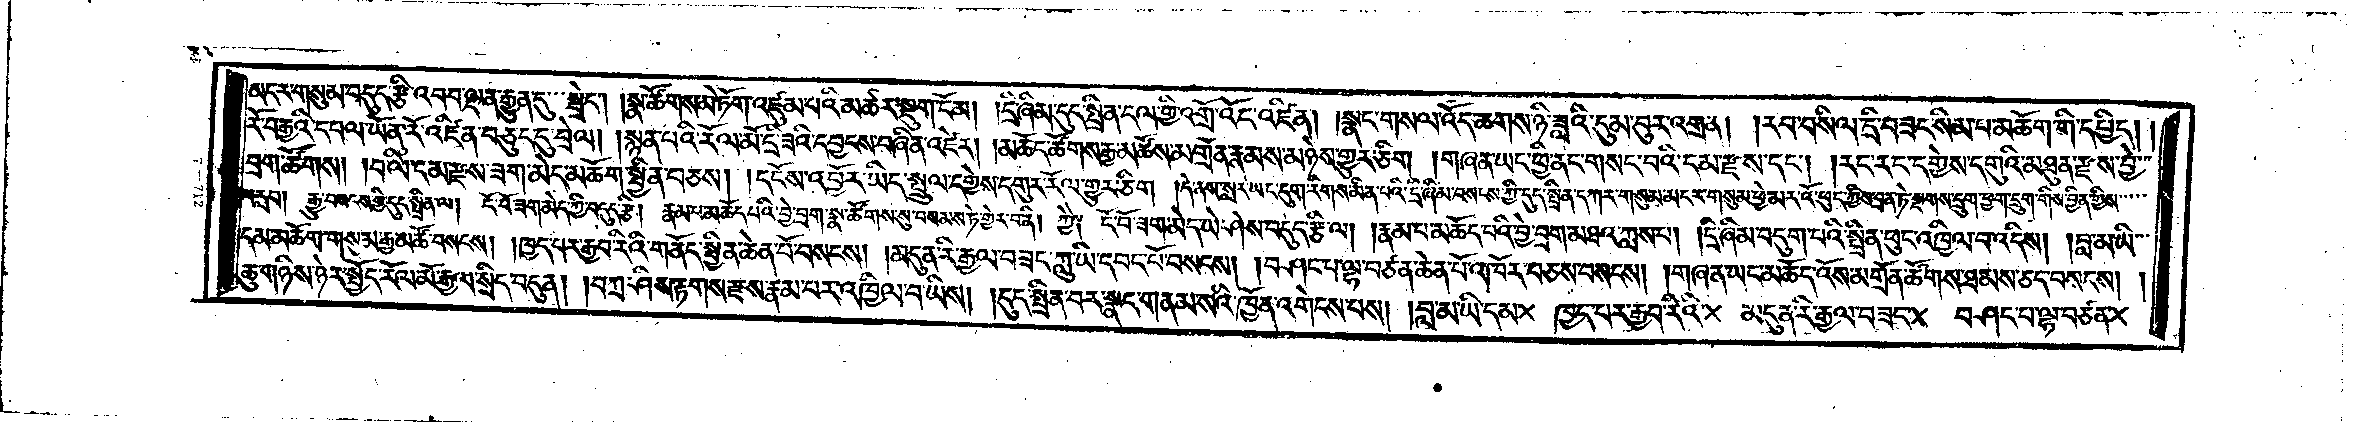མངར་གསུམ་བདུད་རྩི་འབབ་ལྡན་རྒྱུན་དུ་བསྒྲེང་། །སྣ་ཚོགས་མེ་ཏོག་འཛུམ་པའི་མཆར་སྡུག་ངོམ། །དྲི་ཞིམ་དུད་སྤྲིན་དལ་གྱི་འགྲོ་འོང་འཛིན། །སྣང་གསལ་འོད་ཆགས་ཉི་ཟླའི་དུམ་བུར་འགྲན། །རབ་བསིལ་དྲི་བཟང་སིམ་པ་མཆོག་གི་དབྱིད། །
རོ་བརྒྱའི་དཔལ་ཡོན་རོ་འཛིན་བཅུད་དུ་བྲེལ། །སྙན་པའི་རོལ་མོ་དྲི་ཟའི་དབྱངས་བཞིན་འཛེར། །མཆོད་ཚོགས་རྒྱ་མཚོས་མགྲོན་རྣམས་མཉེས་གྱུར་ཅིག །གཞན་ཡང་ཕྱི་ནང་གསང་བའི་དམ་རྫས་དང་། །རང་རང་དགྱེས་དགུའི་མཐུན་རྫས་བྱེ་
བྲག་ཚོགས། །བ་ལིཾ་དམ་རྫས་ཟག་མེད་མཆོག་སྦྱིན་བཅས། །དངོས་འབྱོར་ཡིད་སྤྲུལ་དགྱེས་དགུར་རོལ་གྱུར་ཅིག །དེ་ནས་སླར་ཡང་དུག་རིགས་མིན་པའི་དྲི་ཞིམ་བསངས་ཀྱི་དུད་སྤྲིན་དཀར་གསུམ་མངར་གསུམ་ཕྱེ་མར་འོ་ཕུད་ཀྱིས་བྲན་ཏེ་སྔགས་དྲུག་ཕྱག་དྲུག་གིས་བྱིན་གྱིས་
བརླབ། །རྒྱུ་བསངས་ཀྱི་དུད་སྤྲོན་ལ། ངོ་བོ་ཟག་མེད་ཀྱི་བདུད་རྩི། རྣམ་པ་མཆོད་པའི་བྱེ་བྲག་སྣ་ཚོགས་སུ་བསམས་ཏེ་གྱེར་བ་ནི། ཀྱཻ༑ ངོ་པོ་ཟག་མེད་ཡེ་ཤེས་བདུད་རྩི་ལ། །རྣམ་པ་མཆོད་པའི་བྱེ་བྲག་མཐའ་ཀླས་པ། །དྲི་ཞིམ་བདུག་པའི་སྤྲིན་ཕུང་འཁྱིལ་བ་འདིས། །བླ་མ་ཡི་
དམ་མཆོག་གསུམ་རྒྱ་མཚོ་བསངས། །ཁྱད་པར་རྒྱབ་རིའི་གནོད་སྦྱིན་ཆེན་པོ་བསངས། །མདུན་རི་རྒྱལ་བཟང་ཀླུ་ཡི་དབང་པོ་བསངས། །བཤང་པ་ལྷ་བཙན་ཆེན་པོ་འཁོར་བཅས་བསངས། །གཞན་ཡང་མཆོད་འོས་མགྲོན་ཚོགས་ཐམས་ཅད་བསངས། །
ཆུ་གཉིས་ཉེར་སྤྱོད་རོལ་མོ་རྒྱལ་སྲིད་བདུན། །བཀྲ་ཤིས་རྟགས་རྫས་རྣམ་པར་འཁྱིལ་བ་ཡིས། །དུད་སྤྲིན་པར་སྣང་གནམ་སའི་ཁྱོན་འགེངས་བས། །བླ་མ་ཡི་དམ་྾་ཁྱད་པར་རྒྱབ་རིའི་྾་མདུན་རི་རྒྱལ་བཟང་྾་བཤད་པ་ལྷ་བཙན་